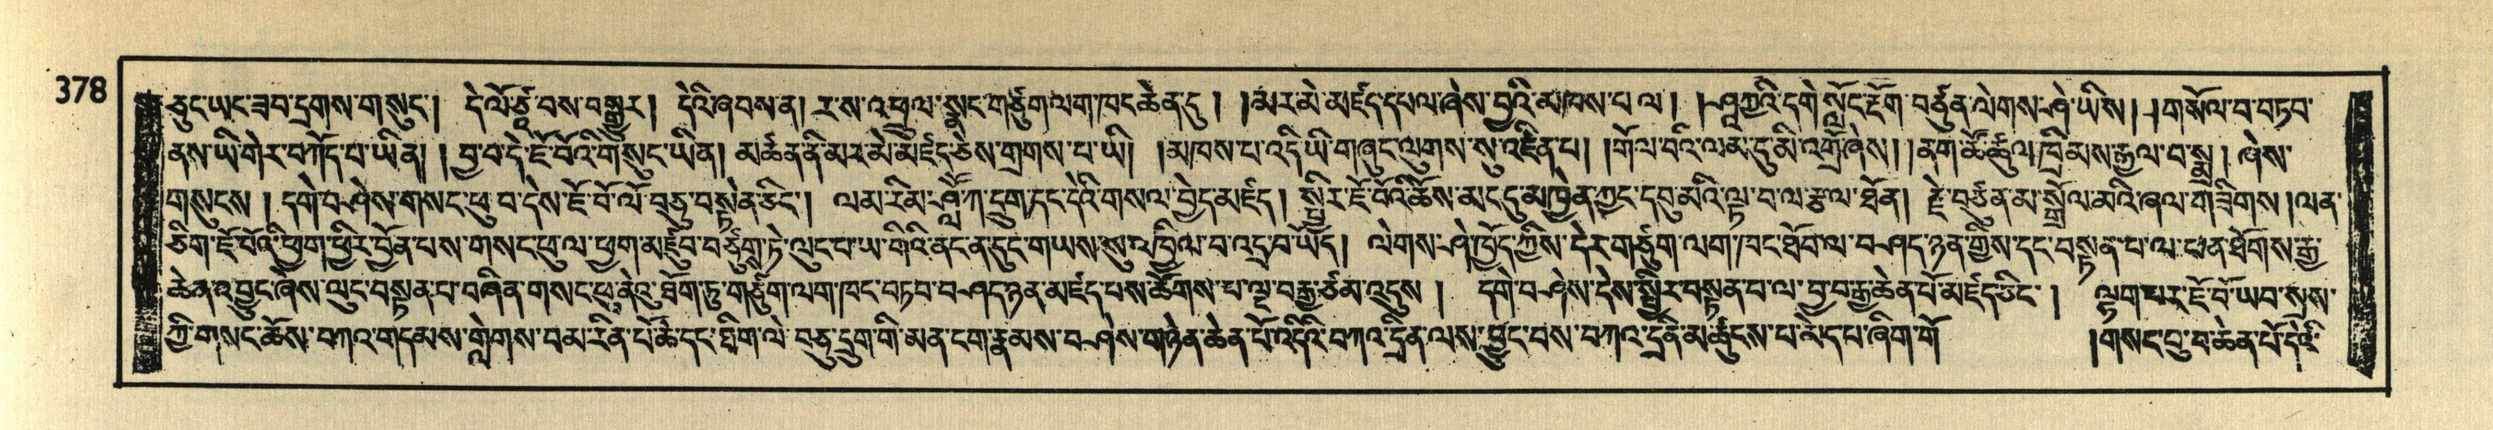ཅུང་ཡང་ཟབ་དྲགས་གསུང་། དེ་ལོ་ཙཱ་བས་བསྒྱུར། དེའི་ཞབས་ན། ར་ས་འཕྲུལ་སྣང་གཙུག་ལག་ཁང་ཆེན་དུ། །མར་མེ་མཛད་དཔལ་ཞེས་བྱའི་མཁས་པ་ལ། །ཤཱཀྱའི་དགེ་སློང་རྔོག་བཙུན་ལེགས་ཤེ་ཡིས། །གསོལ་བ་བཏབ་
ནས་ཡི་གེར་བཀོད་པ་ཡིན། །བྱ་བ་དེ་ཇོ་བོའི་གསུང་ཡིན། མཚན་ནི་མར་མེ་མཛད་ཅེས་གྲགས་པ་ཡི། །མཁས་པ་འདི་ཡི་གཞུང་ལུགས་སུ་འཛིན་པ། །གོལ་བའི་ལམ་དུ་མི་འགྲོ་ཞེས། ནག་ཚོ་ཚུལ་ཁྲིམས་རྒྱལ་བ་སྨྲ། ཞེས་
གསུངས། དགེ་བཤེས་གསང་ཕུ་བ་དེས་ཇོ་བོ་ལོ་བཅུ་བསྟེན་ཅིང་། ལམ་རིམ་ཤླཽ་ཀ་དྲུག་དང་དེའི་གསལ་བྱེད་མཛད། སྤྱིར་ཇོ་བོའི་ཆོས་མང་དུ་མཁྱེན་ཀྱང་དབུ་མའི་ལྟ་བ་ལ་རྩལ་ཐོན། རྗེ་བཙུན་མ་སྒྲོལ་མའི་ཞལ་གཟིགས། ལན་
ཅིག་ཇོ་བོའི་ཕྱག་ཕྱིར་བྱོན་པས་གསང་ཕུ་ལ་ཕྱག་མཛུབ་བཙུགས་ཏེ་ལུང་པ་ཡ་གིའི་ནང་ན་དུང་གཡས་སུ་འཁྱིལ་བ་འདྲ་བ་ཡོད། ལེགས་ཤེ་ཁྱོད་ཀྱིས་དེར་གཙུག་ལག་ཁང་ཐོབ་ལ་བཤད་ཉན་གྱིས་དང་བསྟན་པ་ལ་ཕན་ཐོགས་རྒྱ་
ཆེན་འབྱུང་ཞེས་ལུང་བསྟན་པ་བཞིན་གསང་ཕུ་ནེའུ་ཐོག་ཏུ་གཙུག་ལག་ཁང་བཏབ་བཤད་ཉན་མཛད་པས་ཚོགས་པ་ལྔ་བརྒྱ་ཙམ་འདུས། དགེ་བཤེས་དེས་སྤྱིར་བསྟན་པ་ལ་བྱ་བ་རྒྱ་ཆེན་པོ་མཛད་ཅིང་། ལྷག་པར་ཇོ་བོ་ཡབ་སྲས་
ཀྱི་གསང་ཆོས་བཀའ་གདམས་གླེགས་བམ་རིན་པོ་ཆེ་དང་ཐིག་ལེ་བཅུ་དྲུག་གི་མན་ངག་རྣམས་བཤེས་གཉེན་ཆེན་པོ་འདིའི་བཀའ་དྲིན་ལས་བྱུང་བས་བཀའ་དྲིན་མ་ཚུངས་པ་མེད་པ་ཞིག་གོ །གསང་བུ་བ་ཆེན་པོ་དེའི་